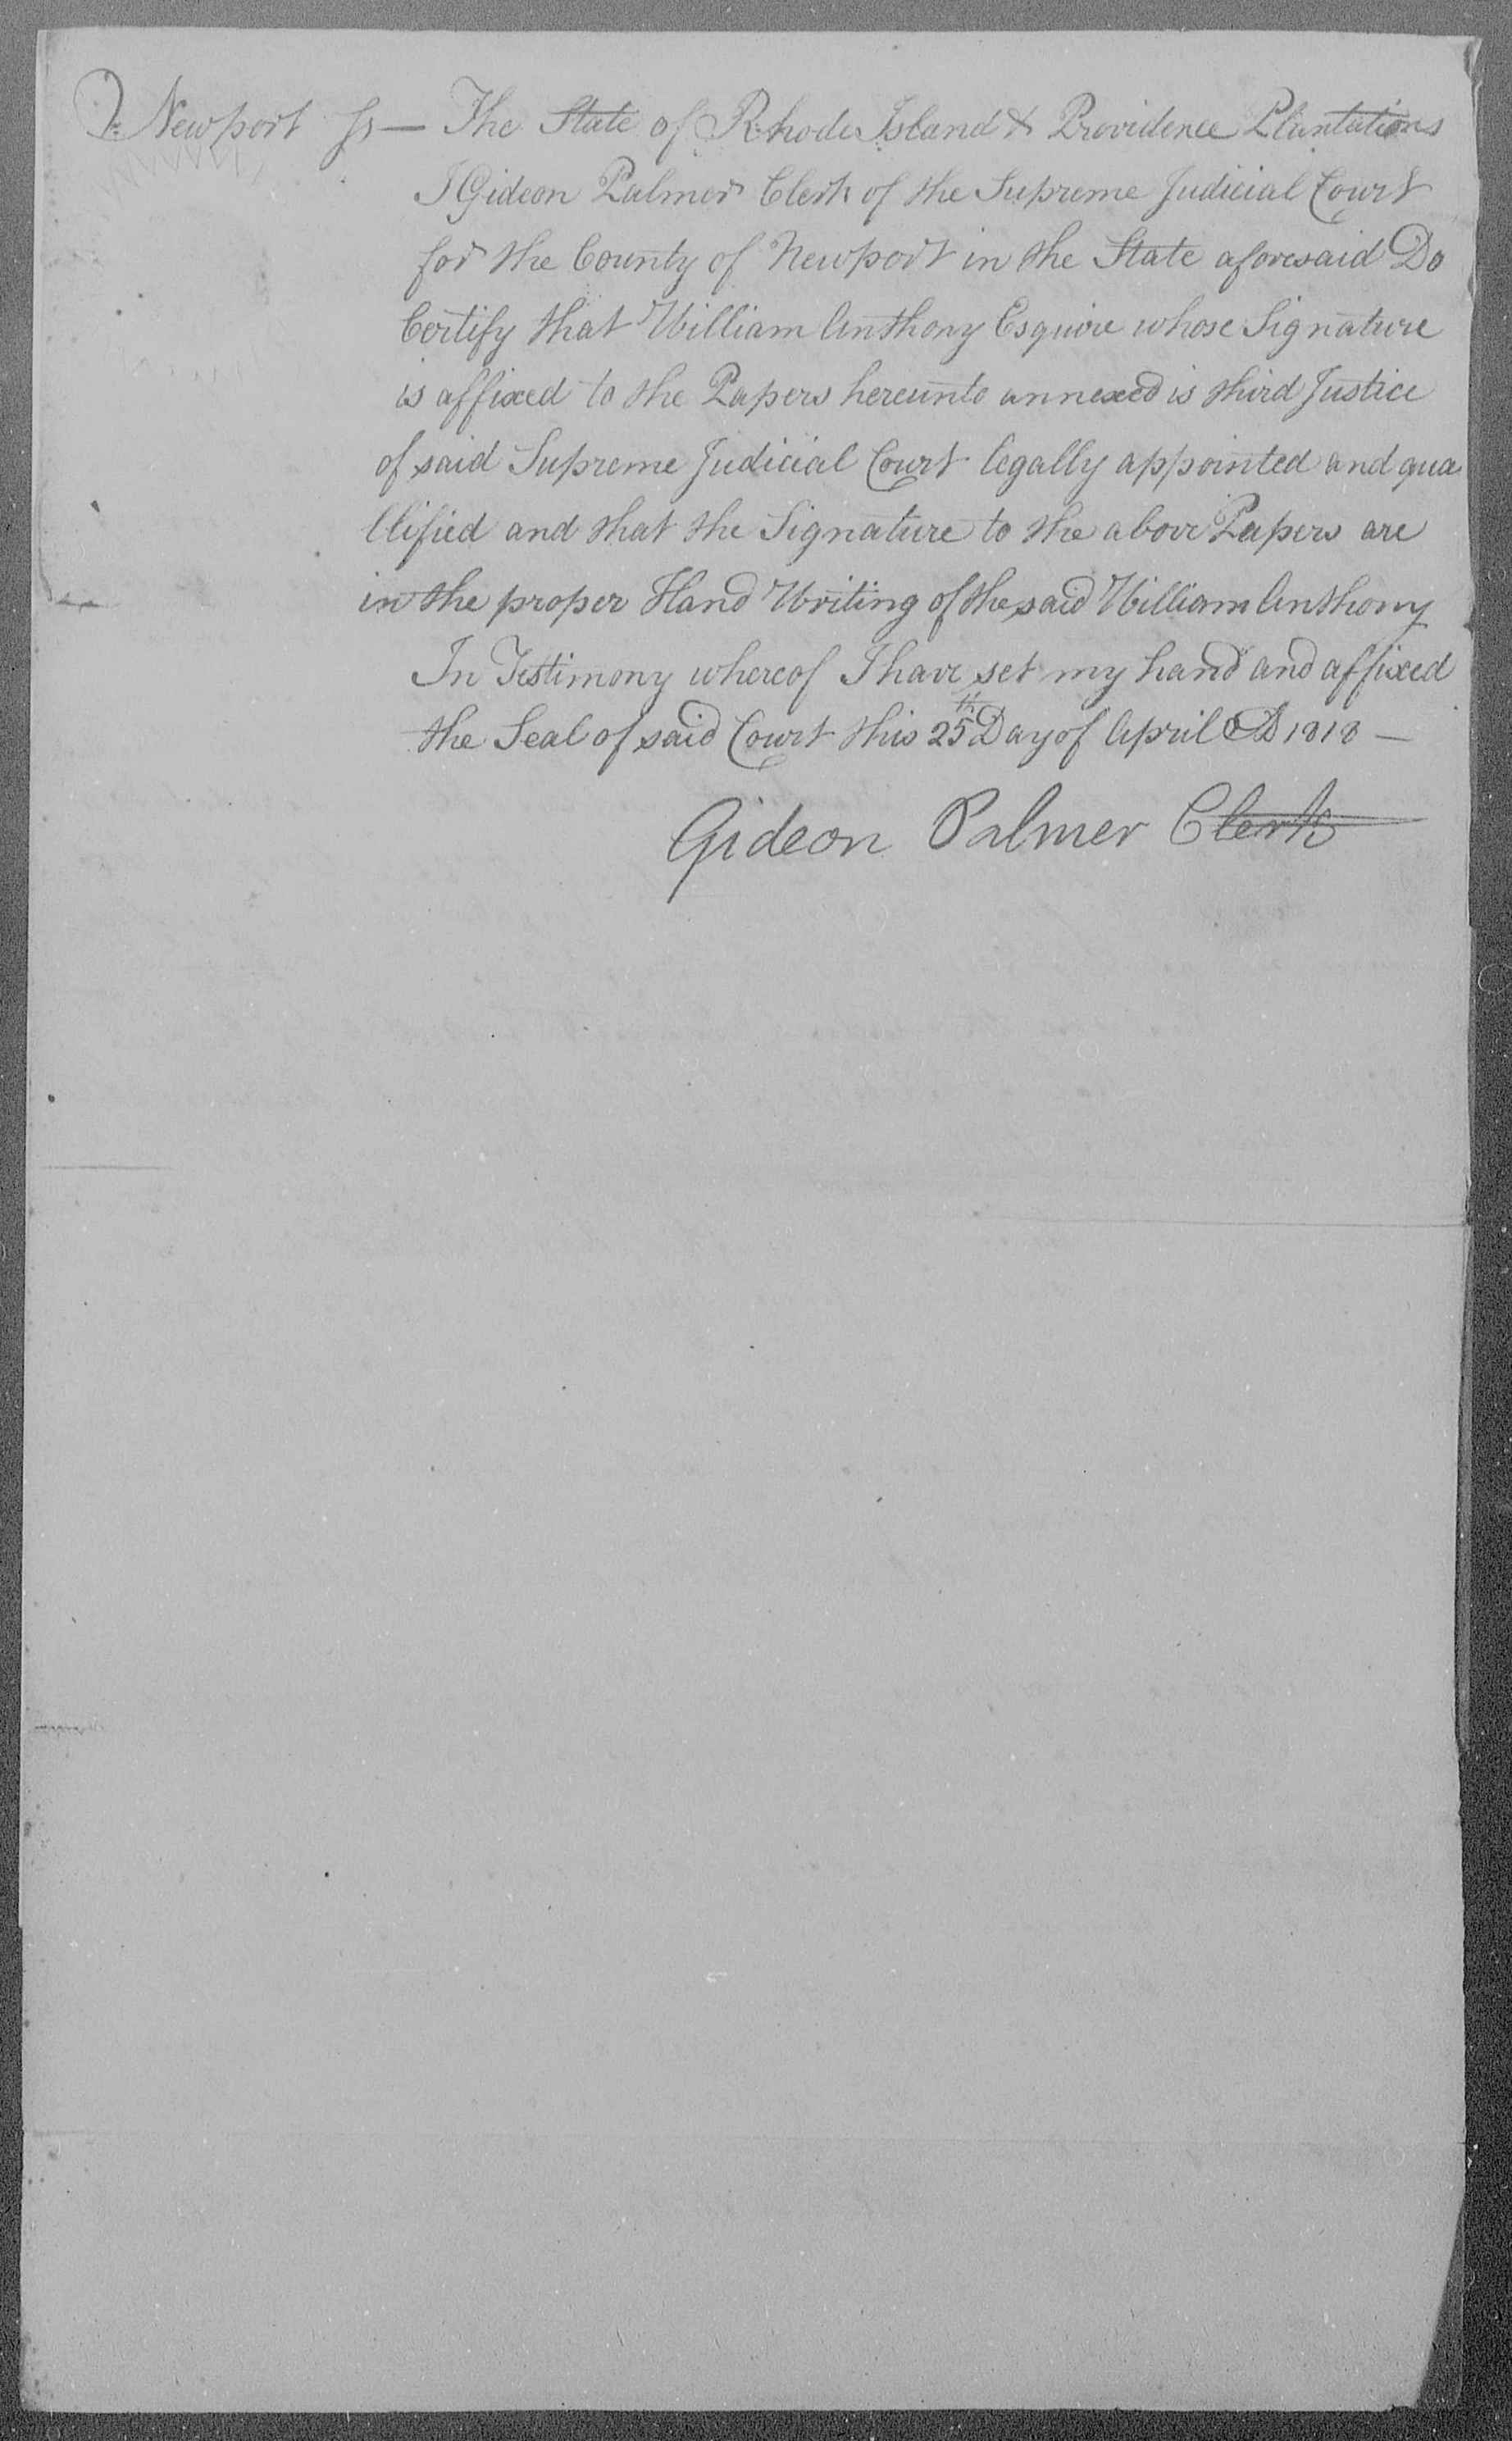Newport ss. - The State of Rhode Island & Providence Plantations
I Gideon Palmer Clerk of the Supreme Judicial Court for the County of Newport in the State aforesaid Do Certify that William Anthony Esquire whose Signature is affixed to the Papers hereunto annexed is third Justice of said Supreme Judicial Court legally appointed and qualified and that the Signature to the above Papers are in the proper Hand Writing of the said William Anthony
In testimony whereof I have set my hand and affixed the Seal of said Court this 25^th Day of April 1818 - 
[signature]
Gideon Palmer Clerk

[faint embossed seal at the upper left]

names: Gideon Palmer, William Anthony, William Anthony, Gideon Palmer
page: 6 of 12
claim: survivor's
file: S. 38579, Giles Brownell, Continental (R.I.) Navy